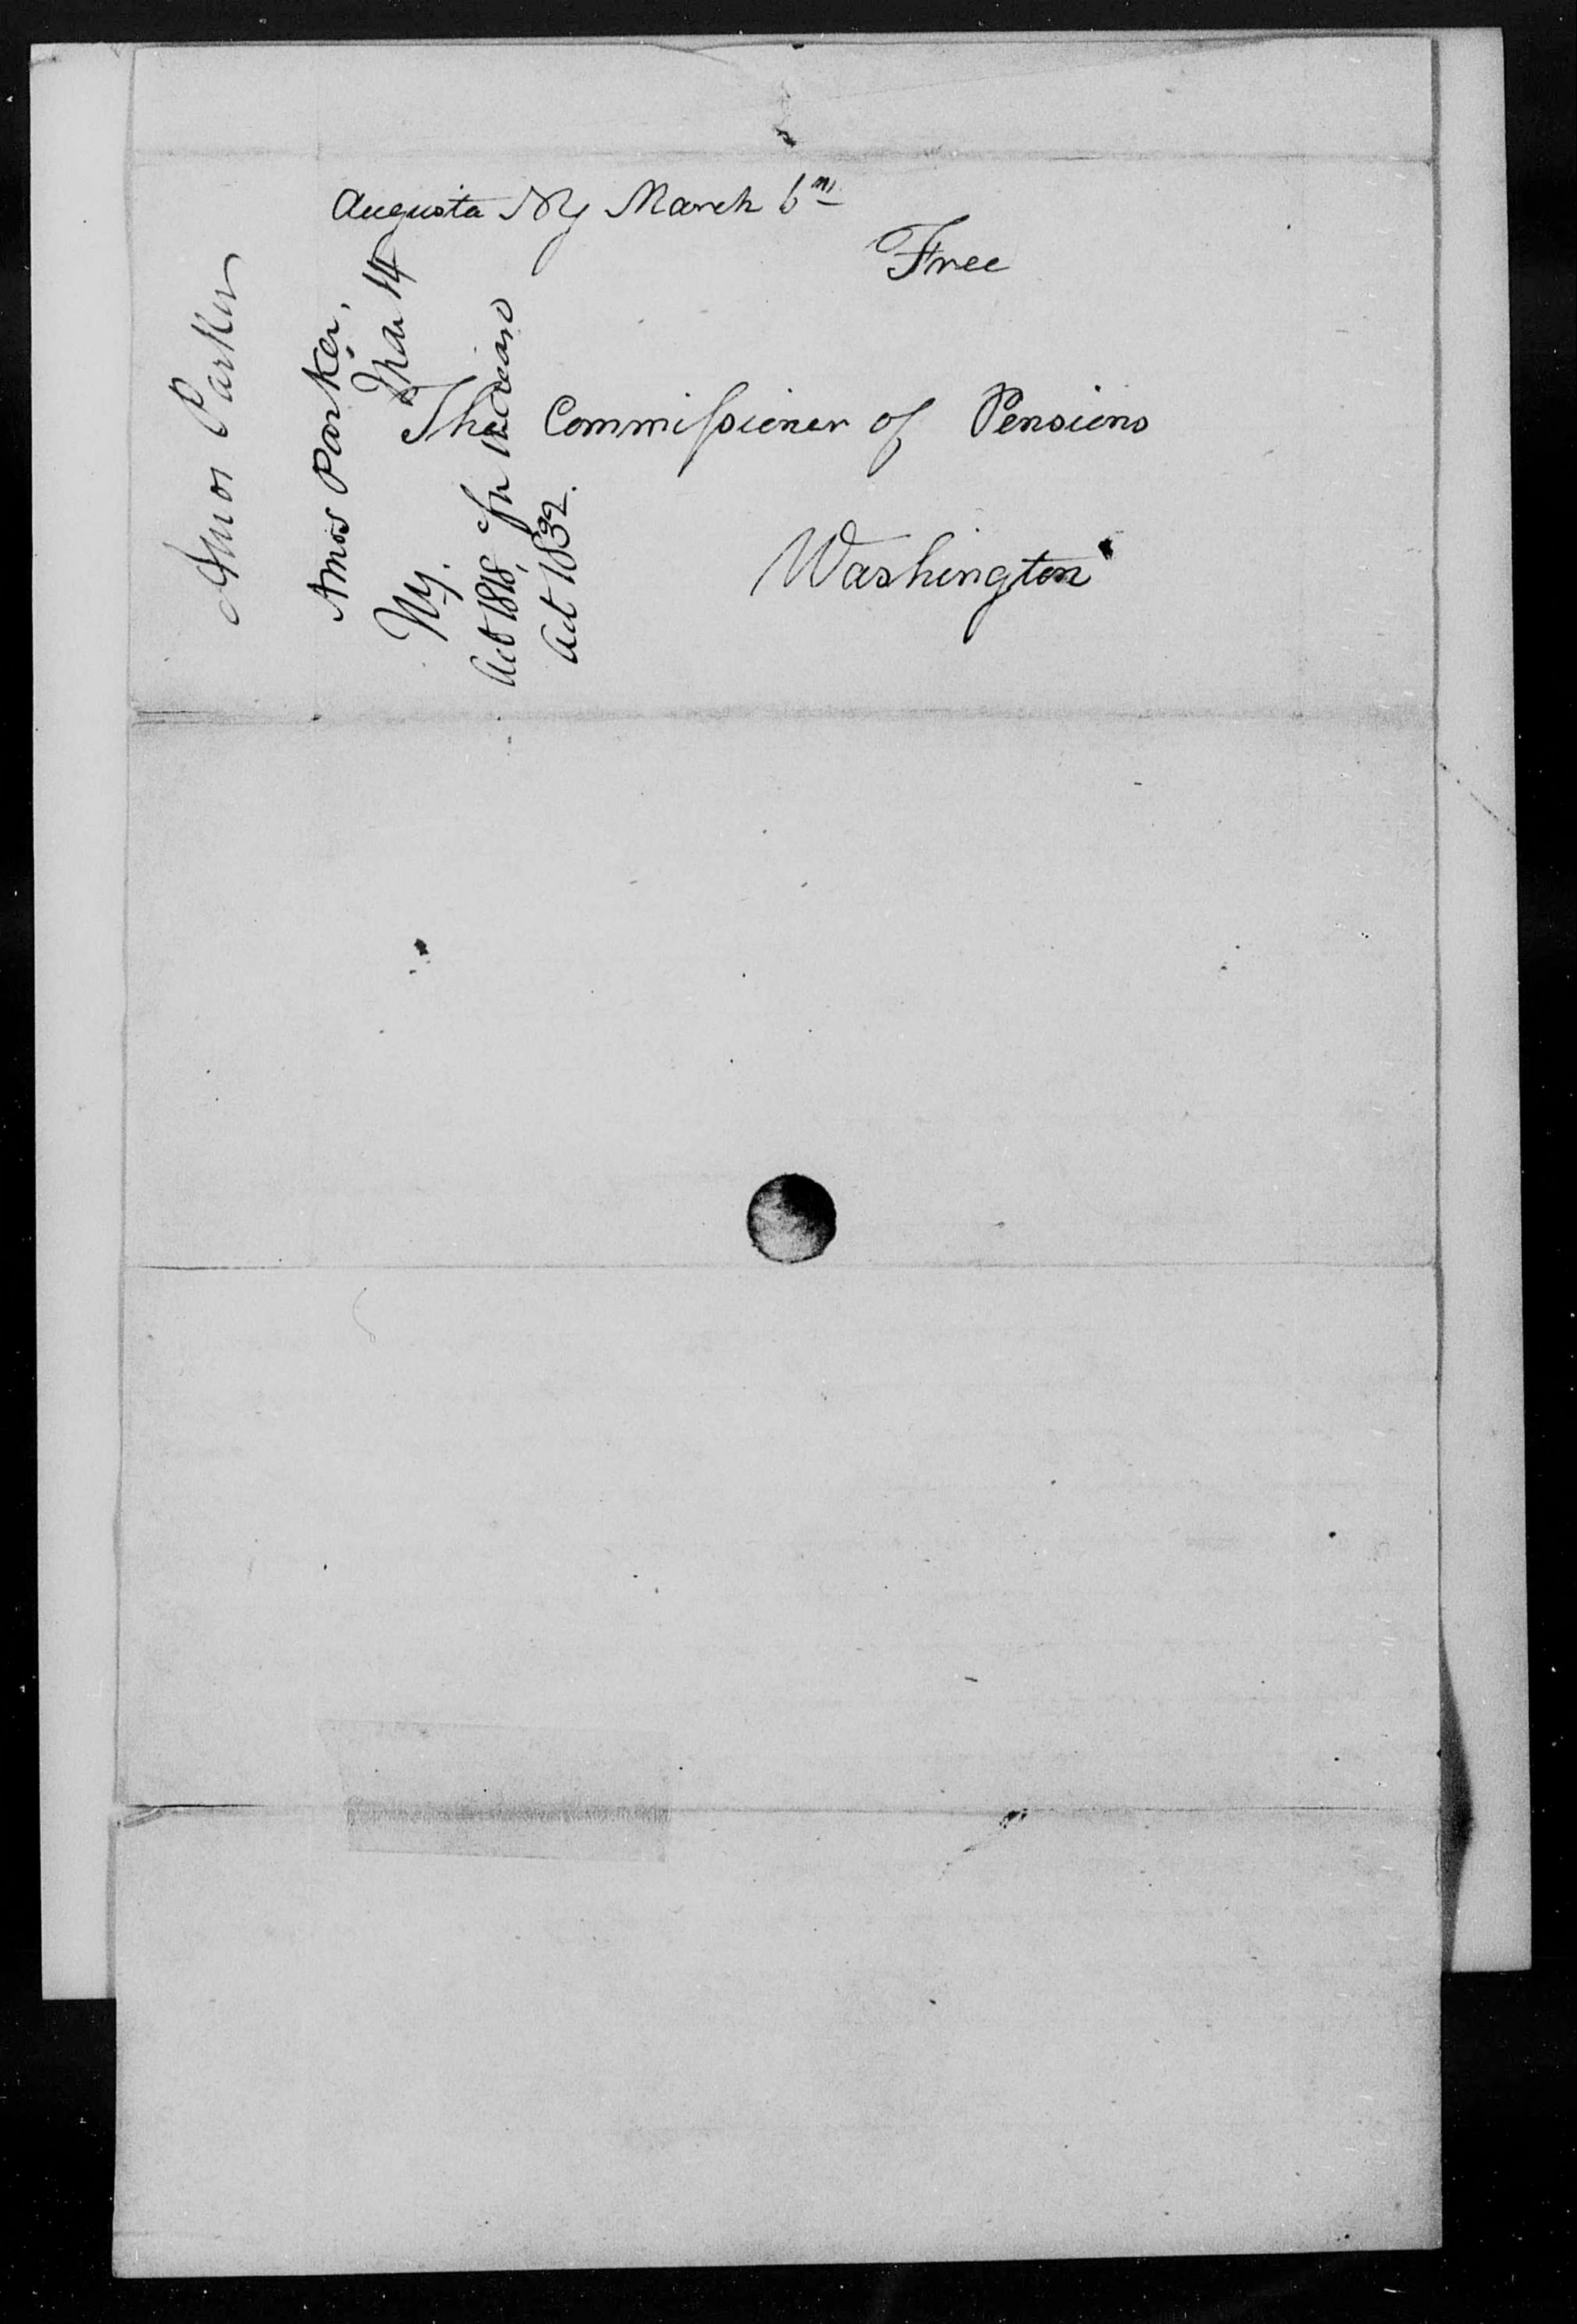Augusta NY March 6th
Free
The Commissioner of Pensions
Washington
Amos Parker
Amos Parker
Mar 14
N.Y.
Act 1818, for Record
Act 1832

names: Amos Parker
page: 14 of 31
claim: survivor's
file: S. 43766, for Amos Parker, Connecticut